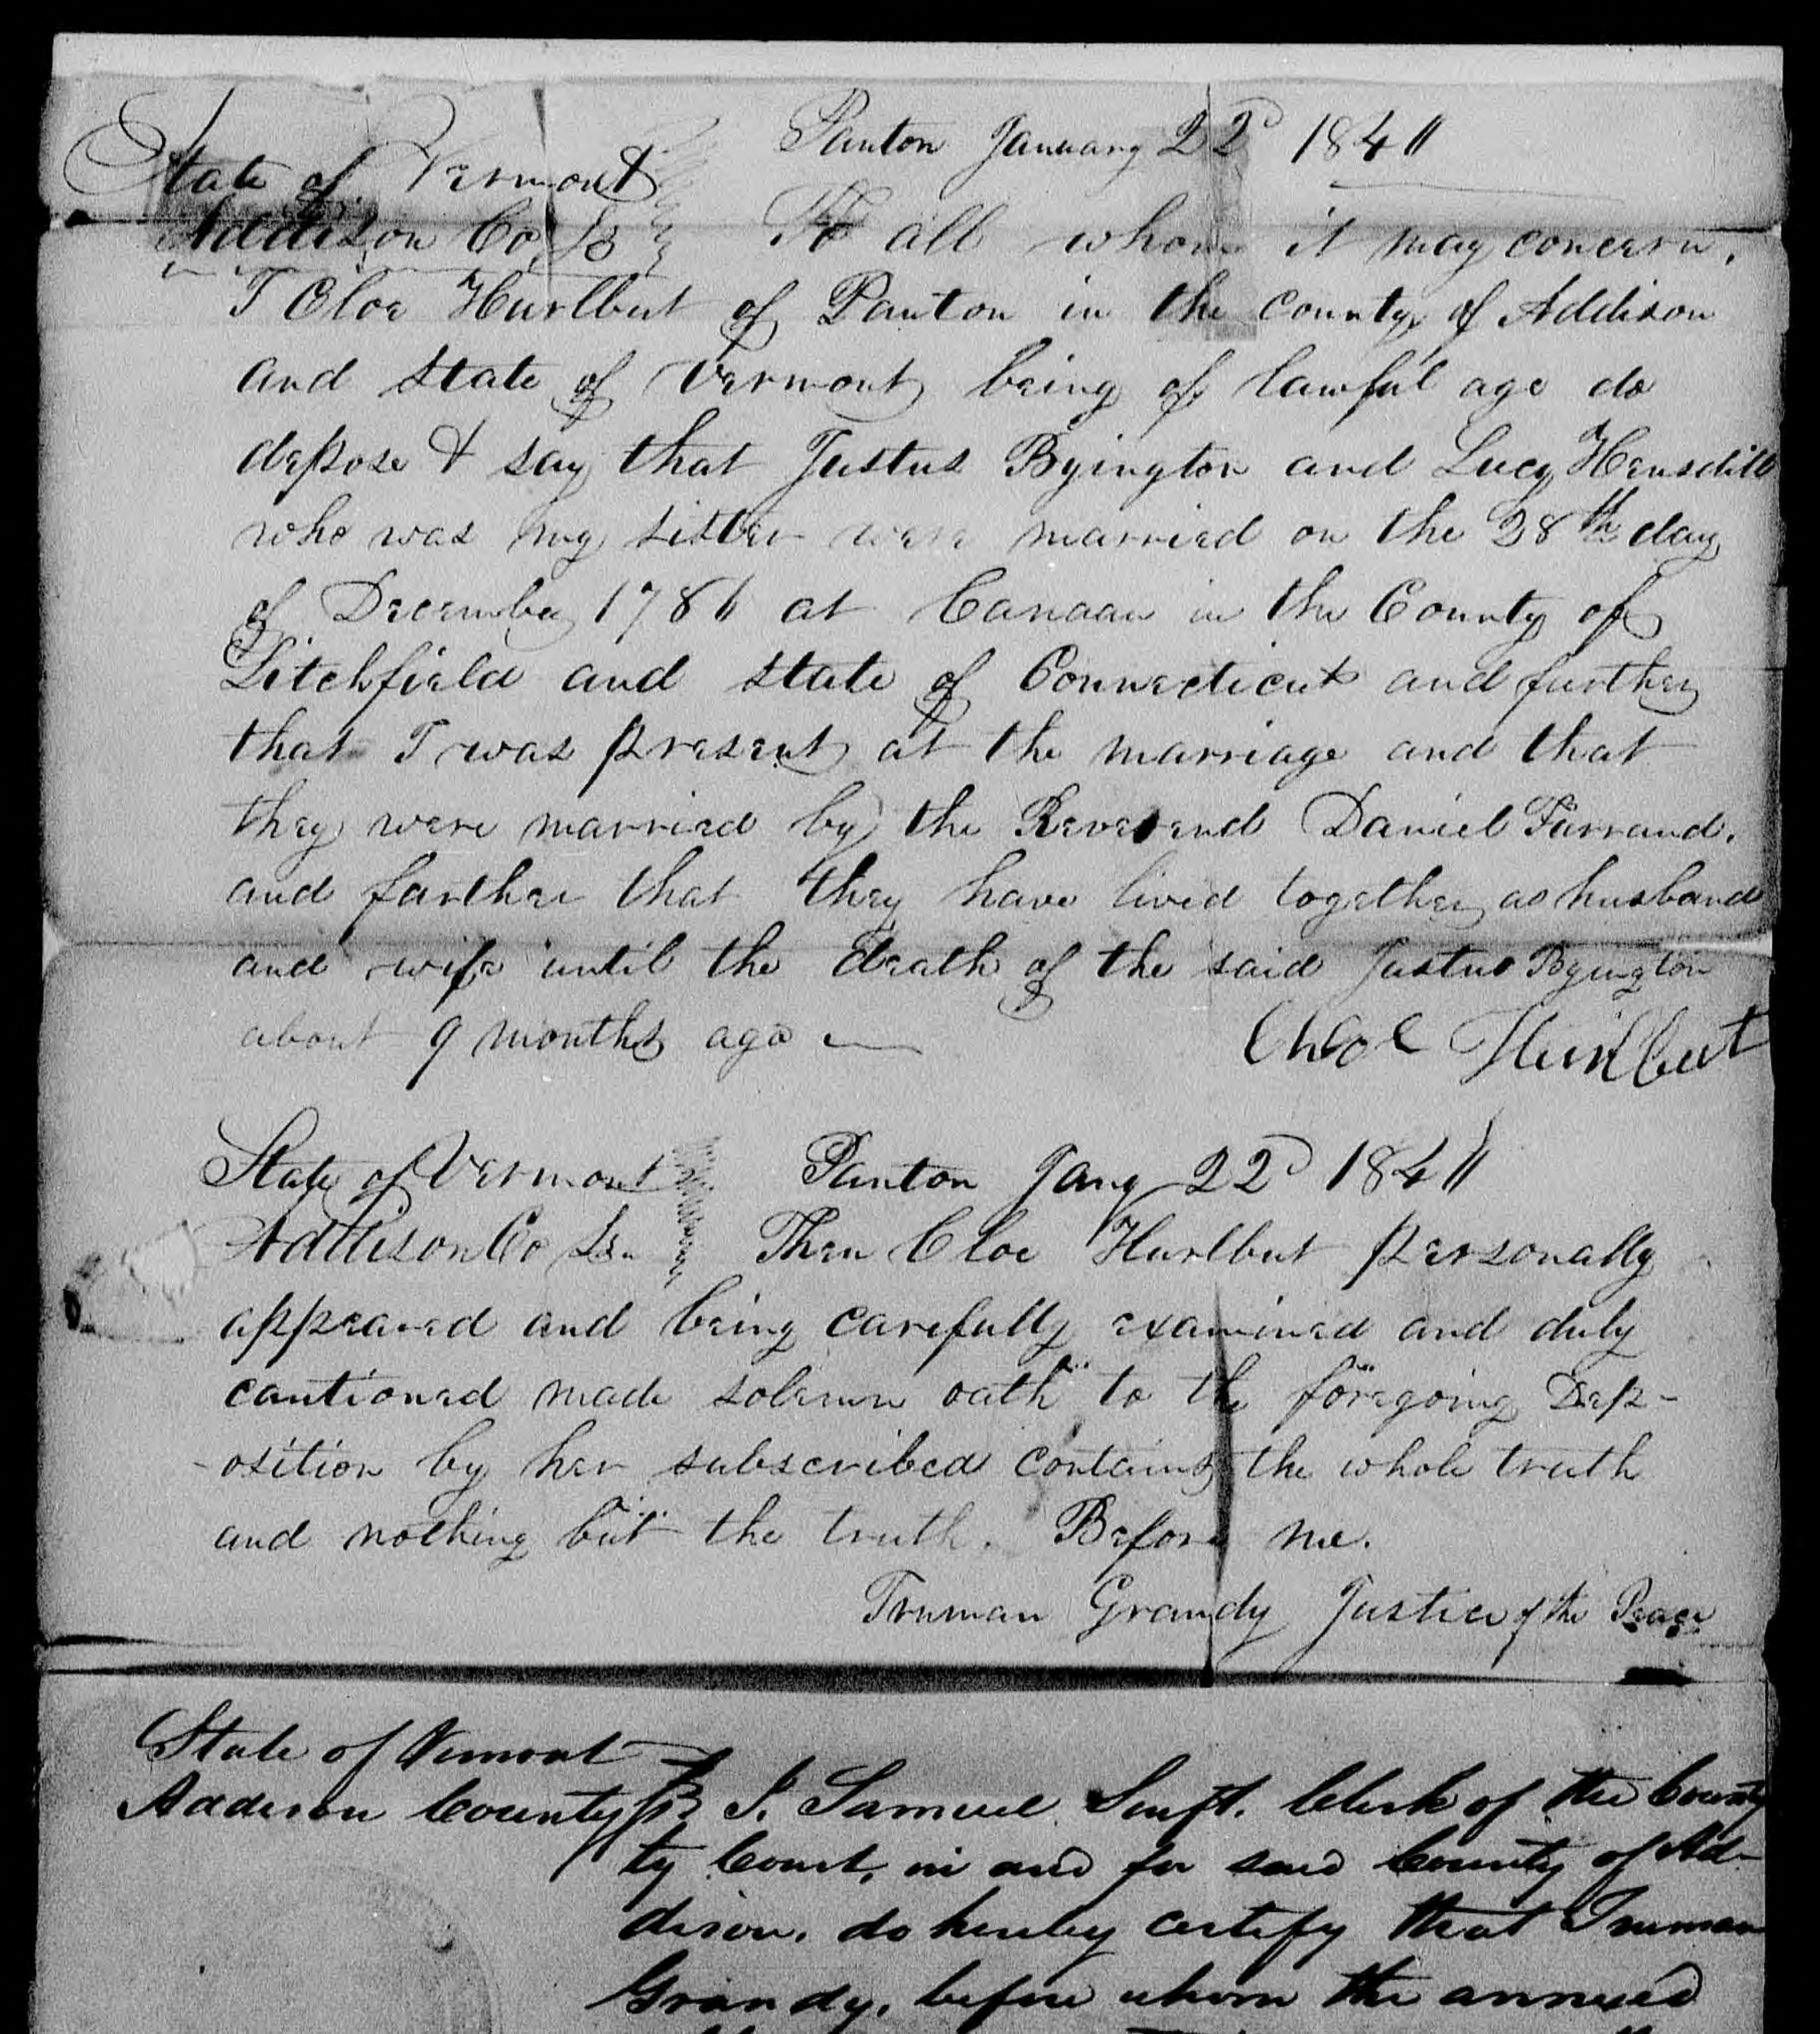State of Vermont}
Addison Co ss:}

Panton January 22 1841

To all whom it may concern,
I Cloe Hurlburt of Panton in the County of Addison and State of Vermont being of lawful age do depose & say that Justus Byington and Lucy Hensdill who was my sister were married on the 28th day of December 1786 at Canaan in the County of Litchfield and State of Connecticut and further that I was present at the marriage and that they were married by the Reverend Daniel Farrand, and further that they have lived together as husband and wife until the death of the said Justus Byington about 9 months ago.
Chloe Hurlbut

State of Vermont}
Addison Co Ss:}
Panton Janry 22 1841

That Cloe Hurlbut personally appeared and being carefully examined and dule cautioned made solemn oath to the foregoing deposition by her subscribed containing the whole truth and nothing but the truth, Before Me.
Truman Grandy
Justice of the Peace

State of Vermont}
Addison County ss:}

I Samuel Swift, Clerk of the County Court in and for said County of Addison, do hereby certify that Truman Grandy, before whom the annexed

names: Samuel Swift, Daniel Farrand, Justus Byington, Justus Byington, Cloe Hurlbut, Truman Grandy, Lucy Hensdill, Cloe Hurlbut, Chloe Hurlbut, Truman Grandy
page: 16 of 79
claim: widow's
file: W. 23754, Justus Byington, Conn.